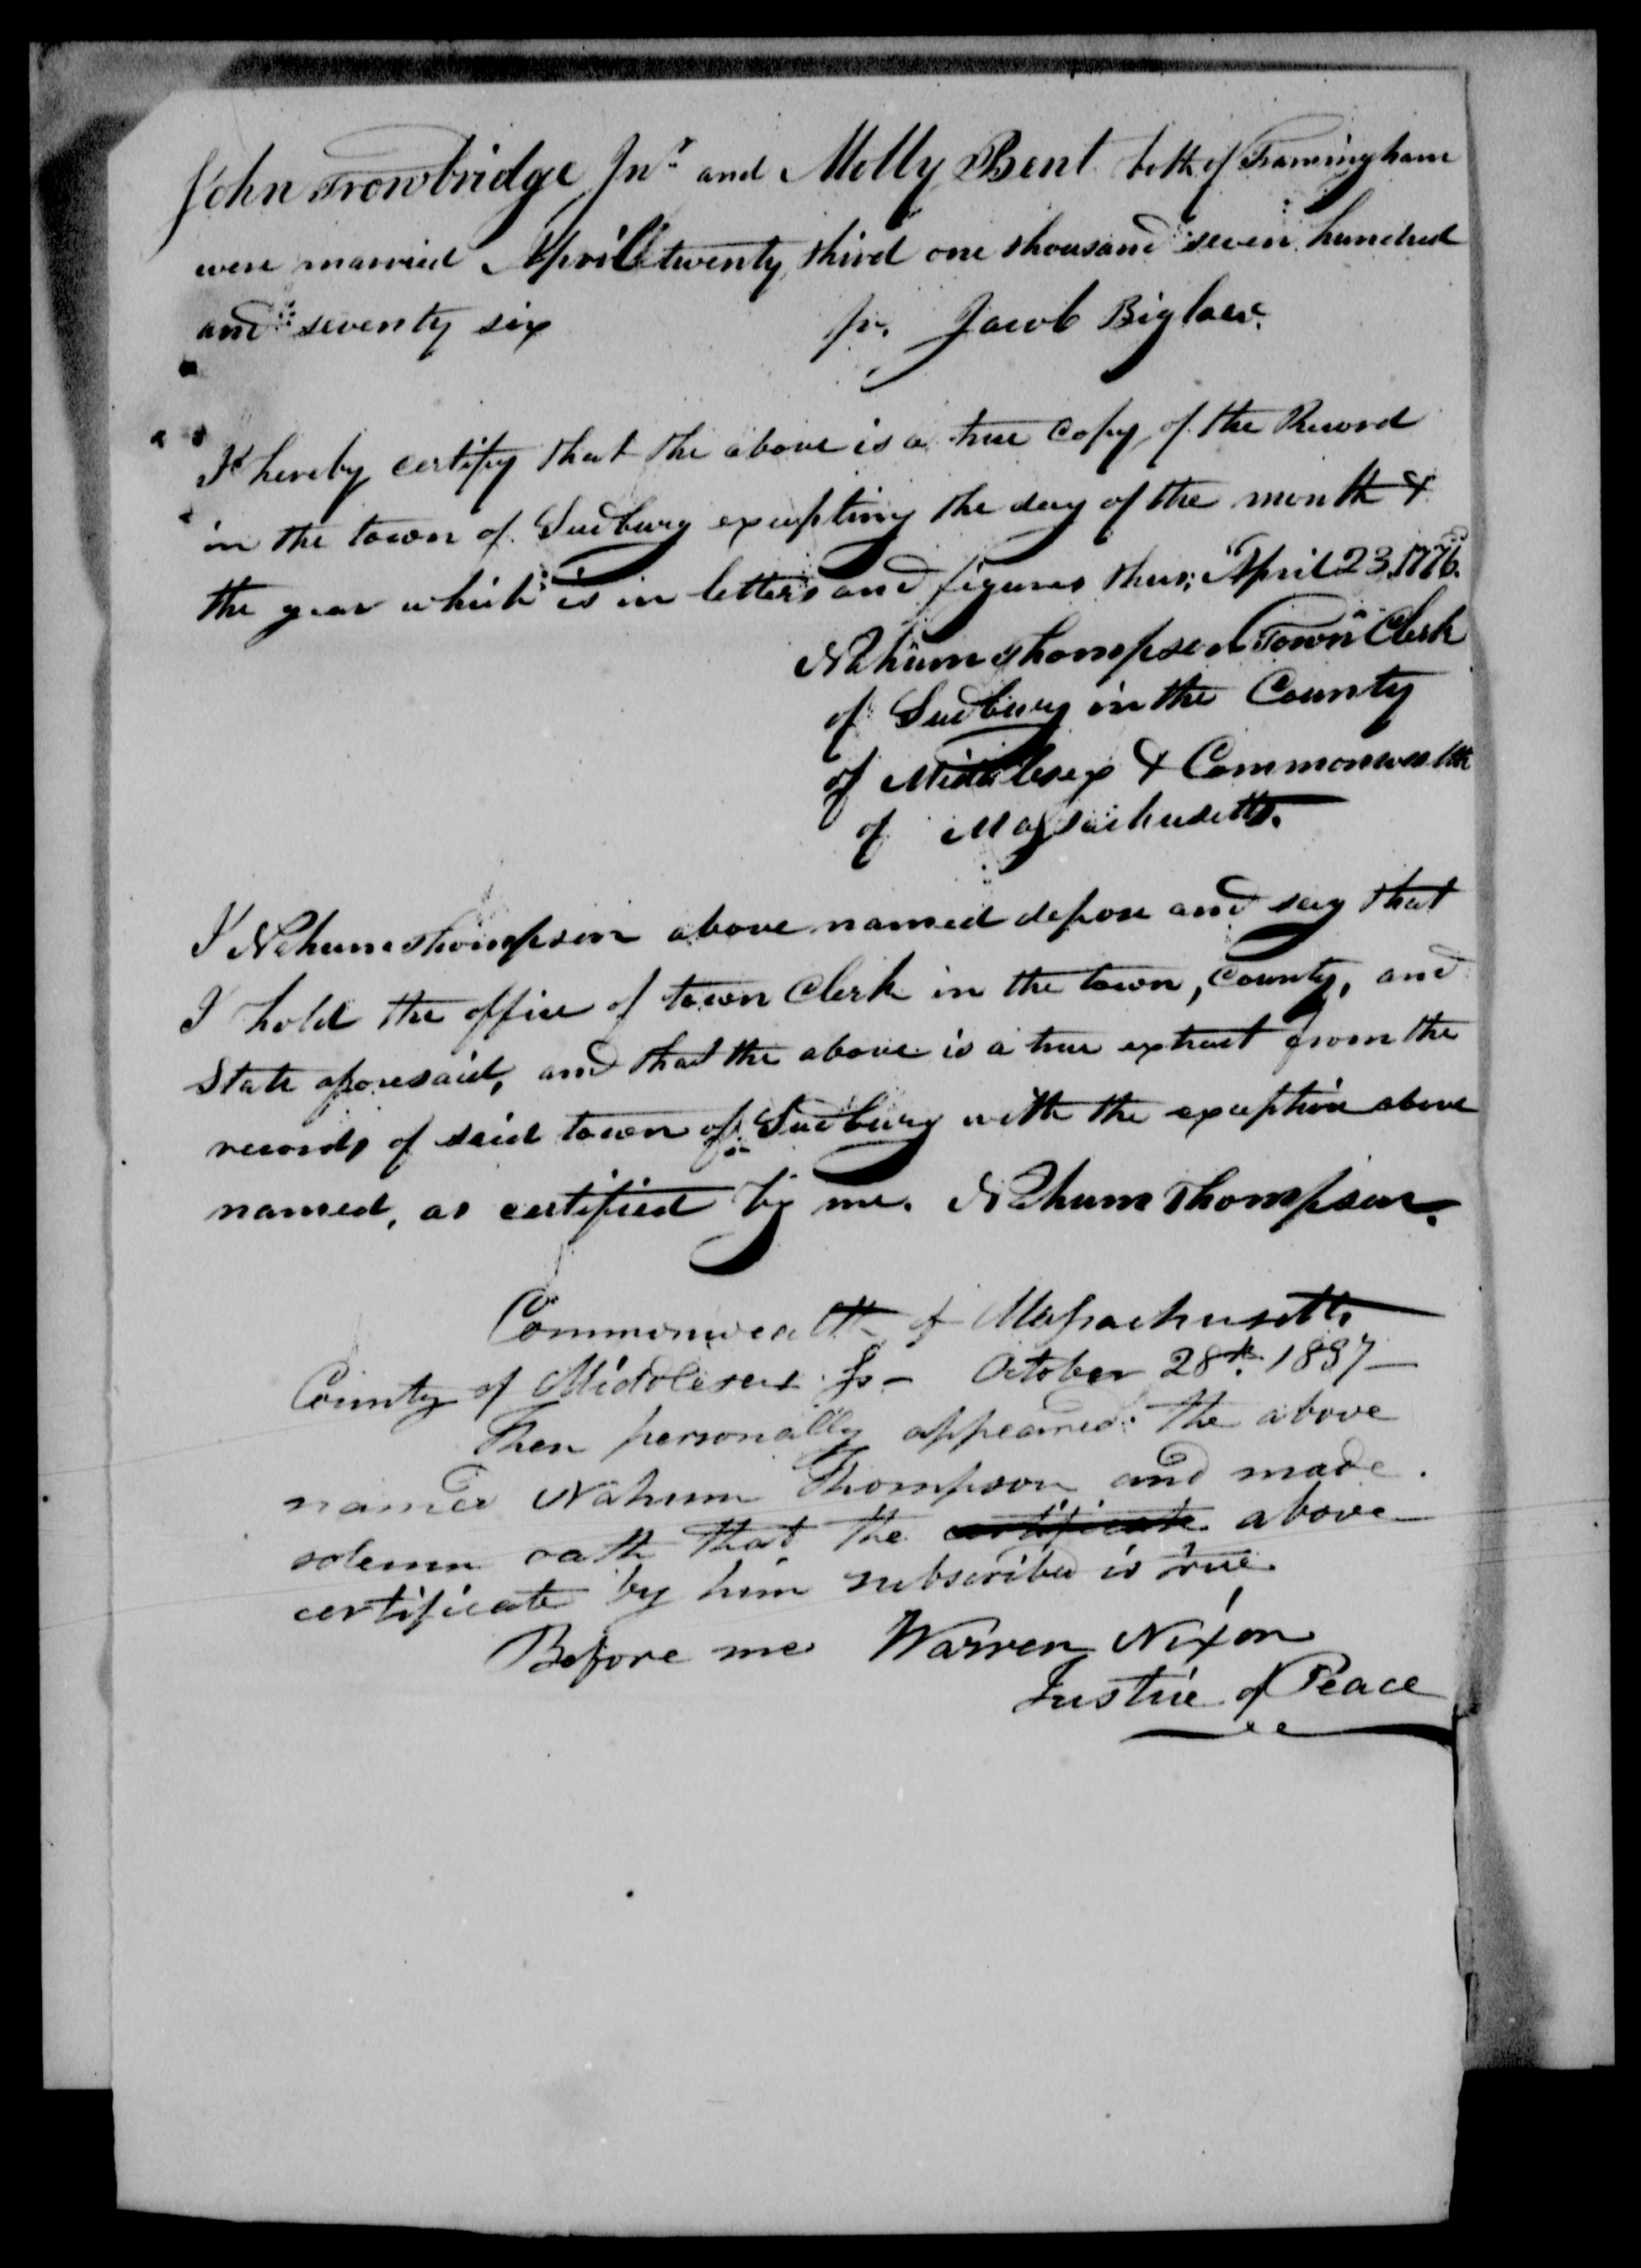John Trowbridge Jnr and Molly Bent both of Framingham
were married April twenty third one thousand seven hundred
and seventy six
Jacob Biglow
I hereby certify that the above is a true copy of the Record
in the town of Sudbury excepting the day of the month &
the year which is in letters and figures thus April 23, 1776.
Nahum Thompson Town Clerk
of Sudbury in the County
of Middlesex & Commonwealth
of Massachusetts
I Nehum Thompson above named depose and say that
I hold the office of town Clerk in the town, county, and
State aforesaid, and that the above is a true extract from the
records of said town of Sudbury with the exception above
named as certified by me, Nahum Thompson
Commonwealth of Massachusetts
County
of Middlesex - October 28th 1837-
Then personally appeared the above
named Nahum Thompson and made
solemn oath that the above
certificate by him subscribed is true
Before me Warren Nixon
Justice of Peace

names: Jacob Biglow, Nahum Thompson, Molly Bent, Nahum Thompson, Nahum Trowbridge, Nahum Thompson, John Trowbridge, Warren Nixon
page: 32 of 34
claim: widow's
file: W. 15439, John Trowbridge, Mass.